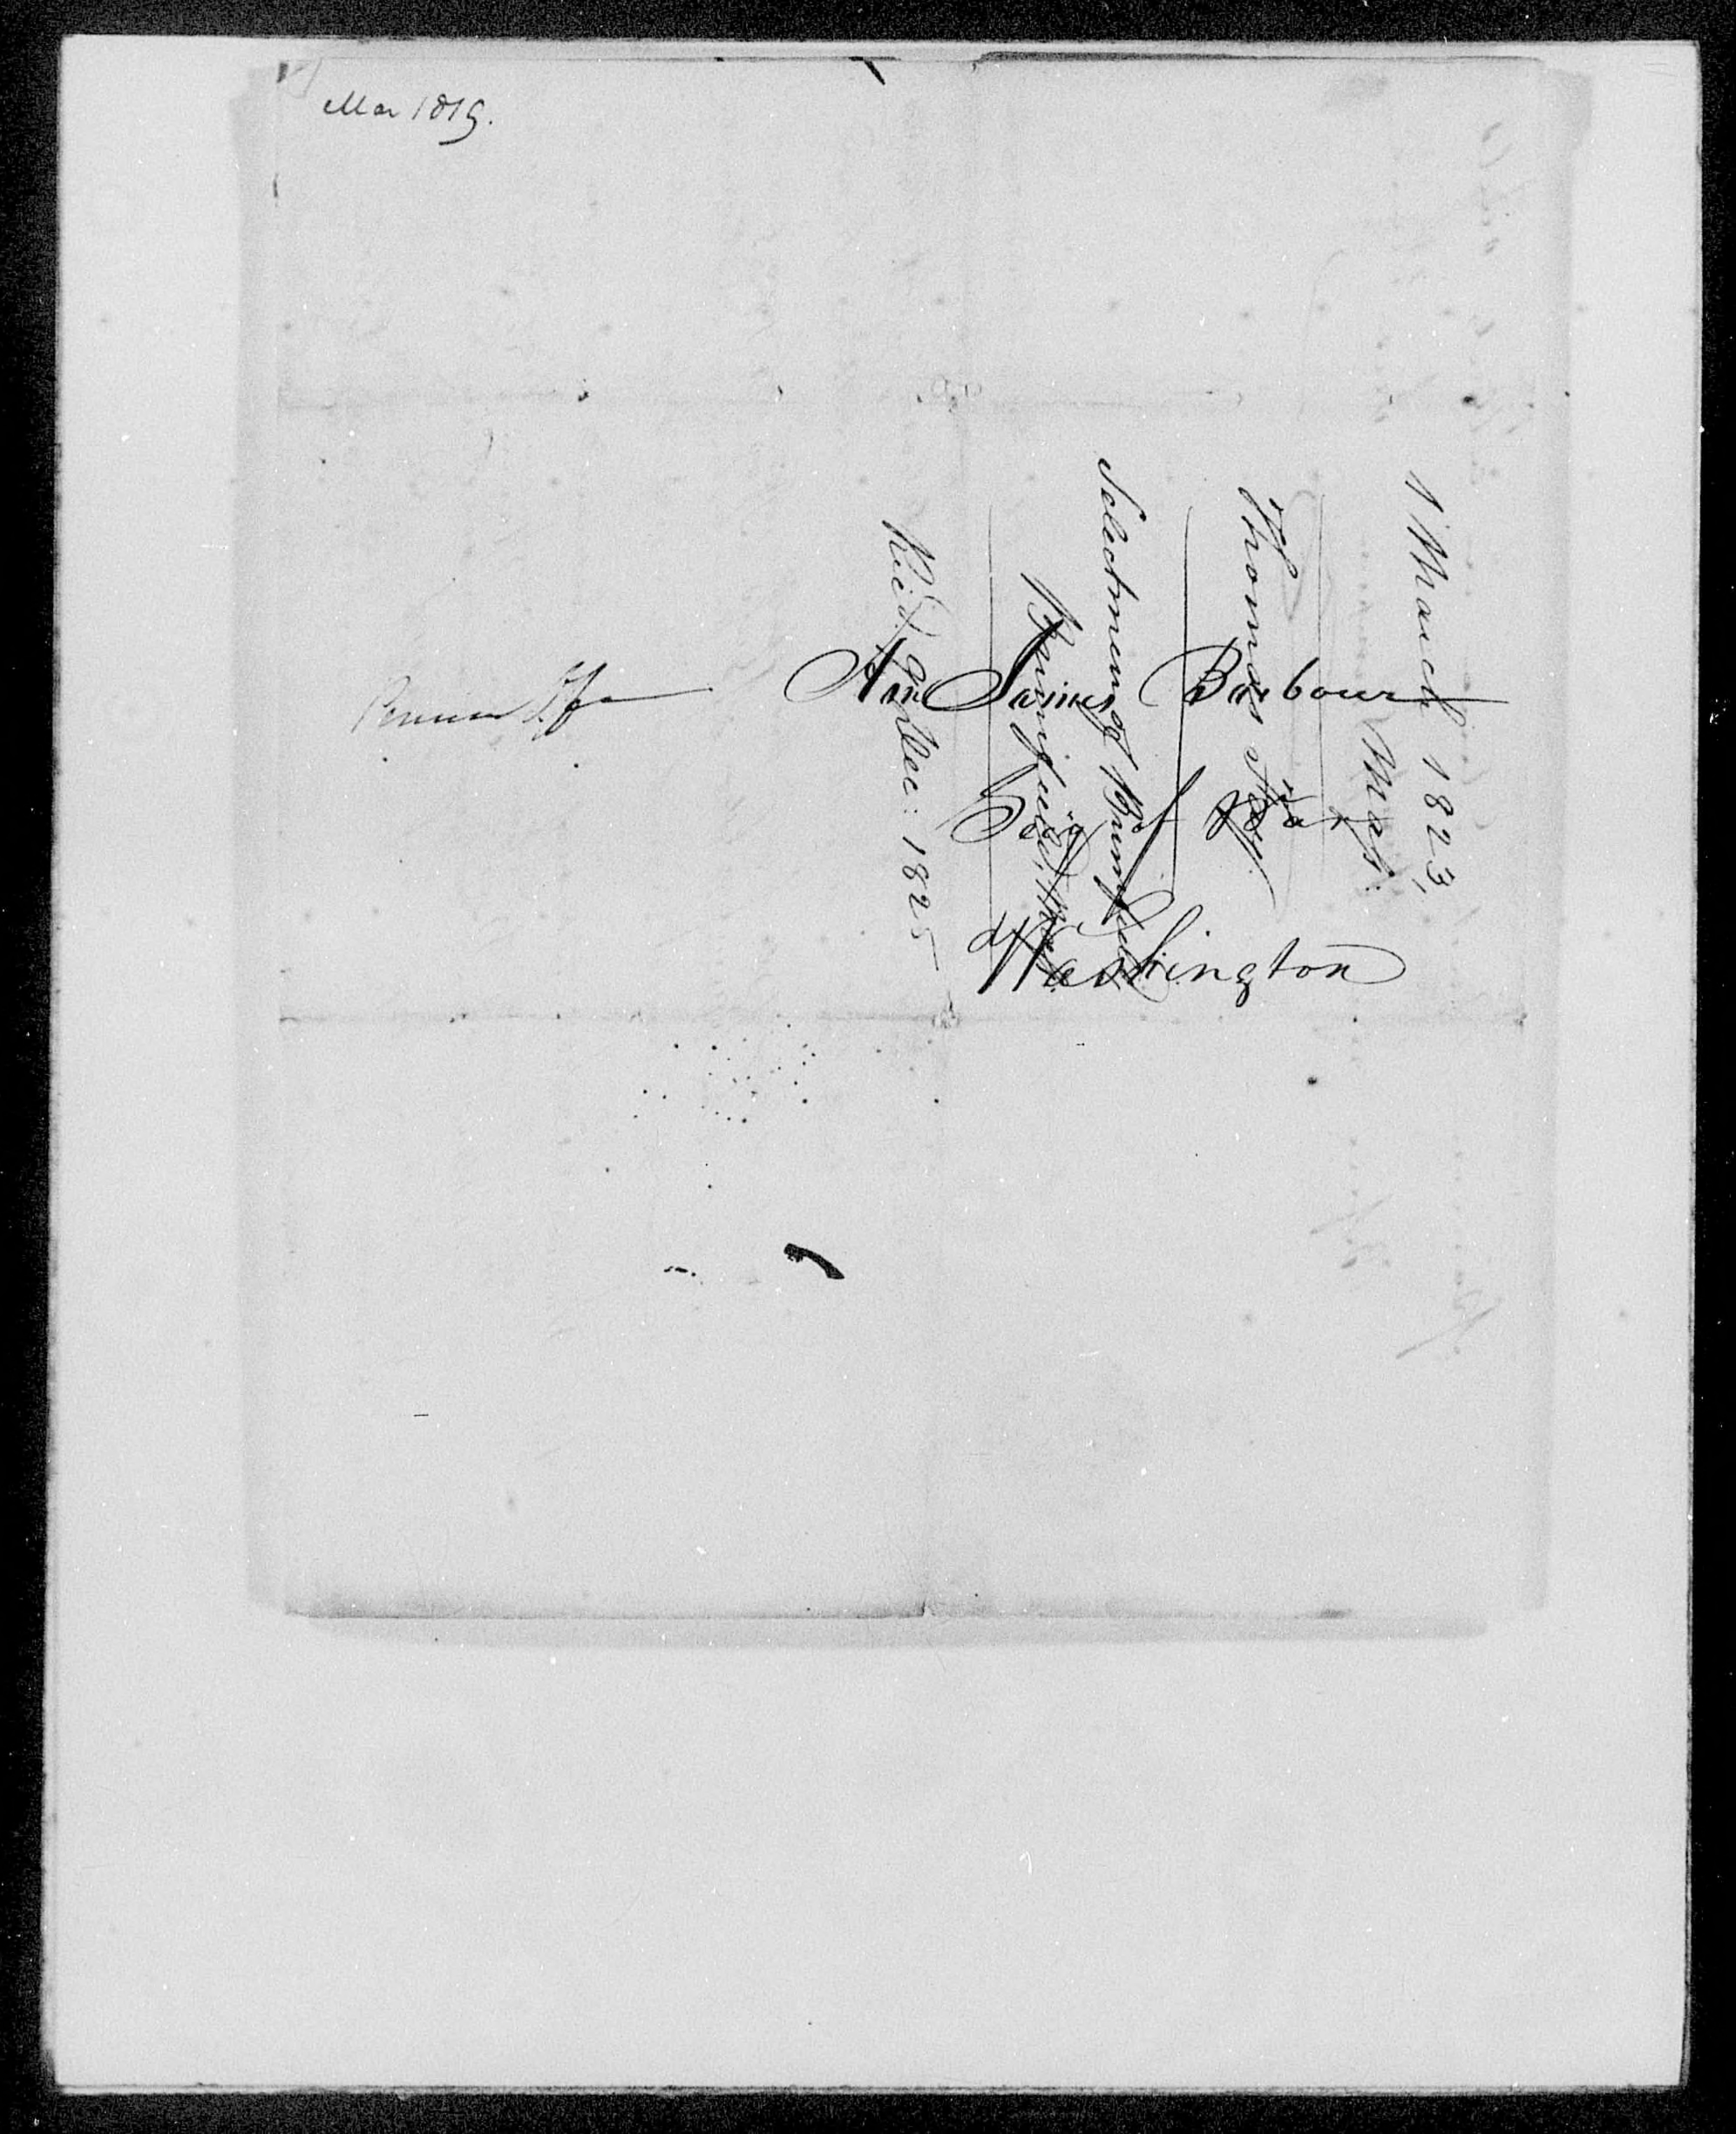Hon James Barbour
Secy of War
Washington

[text written sideways]
1 March 1823
Mass.
Thomas Fay
Selectmen of Brimfield 
Brimfield, Mass.

Recvd 9 Dec 1825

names: James Barbour, Thomas Fay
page: 16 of 31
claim: survivor's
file: S. 34,839, Thomas Fay, Mass.